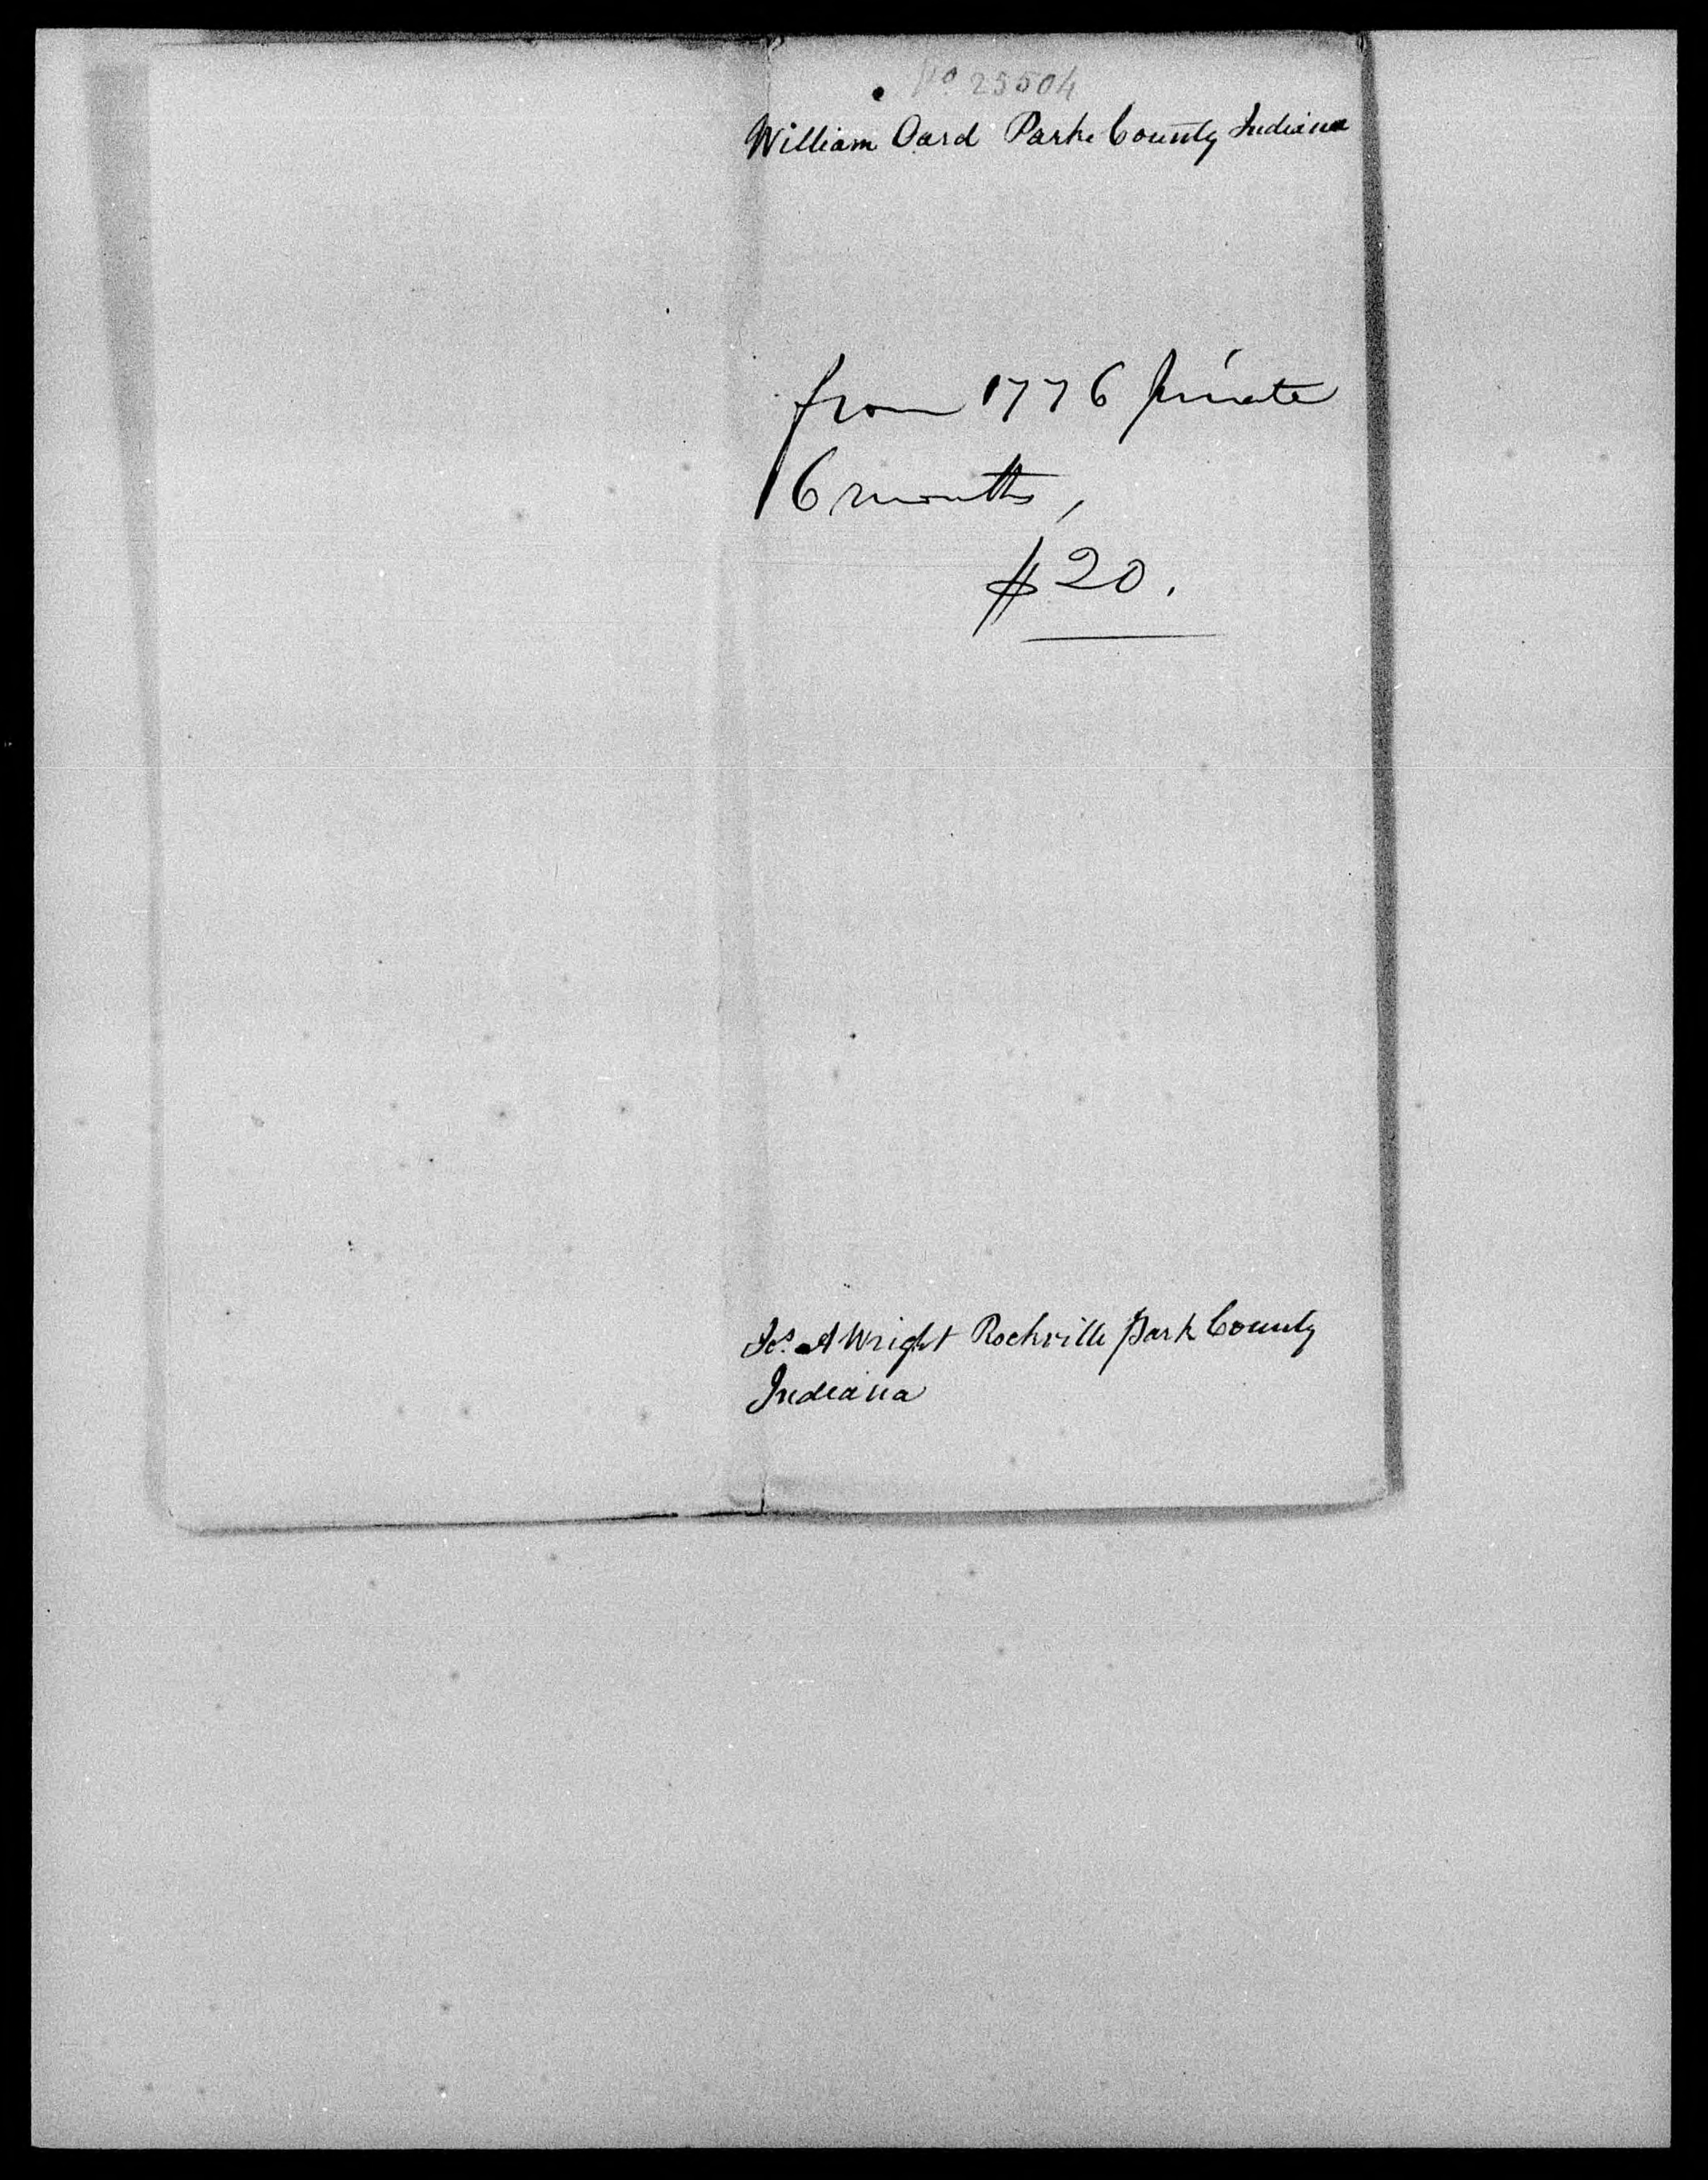No 25504
William Oard Park County Indiana

from 1776 Private
6 months
$20

Jos A Wright Rockville Park County Indiana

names: Jos A Wright; William Oard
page: 10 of 18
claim: survivor's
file: S. 16,496, for William Oard, Maryland